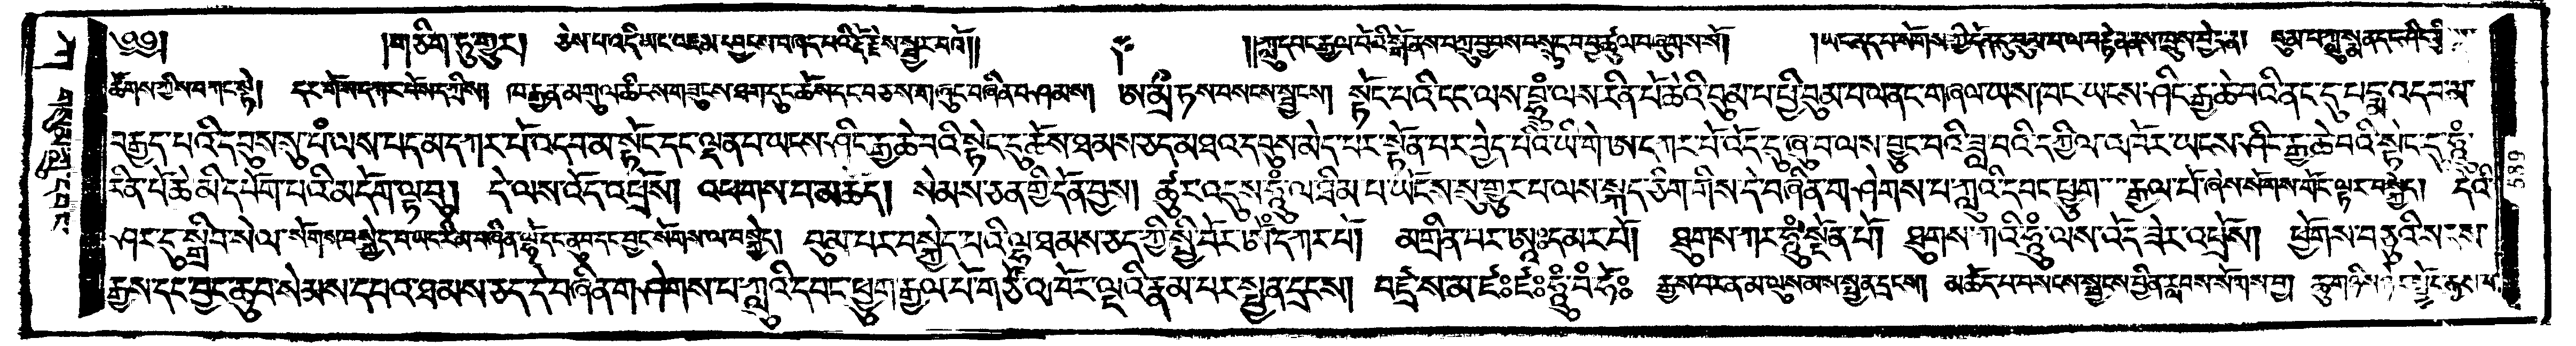༄༅། །གཅིག་ཏུ་གྱུར། ཅེས་པ་འདི་ཡང་འཇམ་དབྱངས་བཞད་པའི་རྡོ་རྗེས་སྦྱར་བའོ།། ༈ །།ཀླུ་དབང་རྒྱལ་བོའི་སྒོ་ནས་བཀྲུ་བྱབས་བསྲུང་བ་བྱ་ཚུལ་བཞུགས་སོ། །ཡང་ནད་པ་སོགས་ཀྱི་དོན་དུ་བུམ་པ་ལ་བརྟེན་ནས་ཁྲུས་བྱེད་ན། དུམ་བ་ཀླུ་སྨན་དང་ཤིང་?
ཚོགས་ཀྱིས་བཀང་སྟེ། དང་གོས་དཀར་པོས་དཀྲིས། ཁ་རྒྱན་མགུལ་ཚིངས་གཟུངས་ཐག་དུང་ཆོས་དང་བཅས་གཞུང་བཞིན་བཤམས། ཨ་མྲྀ་ཏས་བསངས་སྦྱངས། སྟོང་པའི་ངང་ལས་བྷྲུཾ་ལས་རིན་པོ་ཆེའི་བུམ་པ་བྱི་བུམ་པ་ལ་ཞང་གཞལ་ཡས་ཁང་ཡངས་ཤིང་རྒྱ་ཆེ་བའི་ནང་དུ་པདམ་འདབ་མ་
བརྒྱད་པའི་དབུས་སུ་པཾ་ལས་པད་མ་དཀར་པོ་འདབ་མ་སྟོང་དང་ལྡན་པ་ཡངས་ཤིང་རྒྱ་ཆེ་བའི་སྟེང་དུ་ཆོས་ཐམས་ཅད་མཐའ་དབུས་མེད་པར་སྟོན་པར་བྱེད་པའི་ཡི་གེ་ཨ་དཀར་པོ་འོད་དུ་ཞུ་བ་ལས་བྱུང་བའི་ཟླ་བའི་དཀྱིལ་འཁོར་ཡངས་ཤིང་རྒྱ་ཆེ་བའི་སྟེང་དུ་ཧཱུཾ་
རིན་པོ་ཆེ་མི་དཔོག་པའི་མདོག་ལྟ་བུ། དེ་ལས་འོད་འཕྲོས། འཕགས་པ་མཆོད། སེམས་ཅན་ཀྱི་དོན་བྱས། ཚུར་འདུས་ཧཱུཾ་ལ་ཐིམ་པ་ཡོངས་སུ་གྱུར་པ་ལས་སྐད་ཅིག་གིས་དེ་བཞིན་གཤེགས་པ་ཀླུའི་དབང་ཕྱུག་རྒྱལ་པོ་ཞེས་སོགས་གོང་ལྟར་བསྐྱེད། དེའི་
ཤང་དུ་སྒྲིབ་སེལ་སོགས་བསྐྱེད་བ་ཡང་རིམ་བཞིན་ལྷོ་དང་ནུབ་དང་བྱང་སོགས་ལ་བསྐྱེད། བུམ་པར་བསྐྱེད་པའི་ལྷ་ཐམས་ཅད་ཀྱི་སྤྱི་བོར་ཨོཾ་དཀར་པོ། མགྲིན་པར་ཨཱཿ དམར་པོ། ཐུགས་ཀར་ཧཱུཾ་སྔོན་པོ། ཐུགས་ཀའི་ཧཱུཾ་ལས་འོད་ཟེར་འཕྲོས། ཕྱོགས་བཅུའི་སངས་
རྒྱས་དང་བྱང་ཆུབ་སེམས་དཔའ་ཐམས་ཅད་དེ་བཞིན་གཤེགས་པ་ཀླུའི་དབང་ཕྱུག་རྒྱལ་པོ་གཙོ་འཁོར་ལྔའི་རྣམ་པར་སྤྱན་དྲངས། བཛྲས་མ་ཛཿ ཛཿ ཧཱུམ་བཾ་ཧོཿ རྒྱས་བར་ནམ་ལུས་མས་སྤྱན་དྲངས། མཆོད་པ་བསངས་སྦྱངས་བྱིན་རླབས་སོགས་བྱ། ཆུ་གཉིས??སྦྱོར་ཆུང་